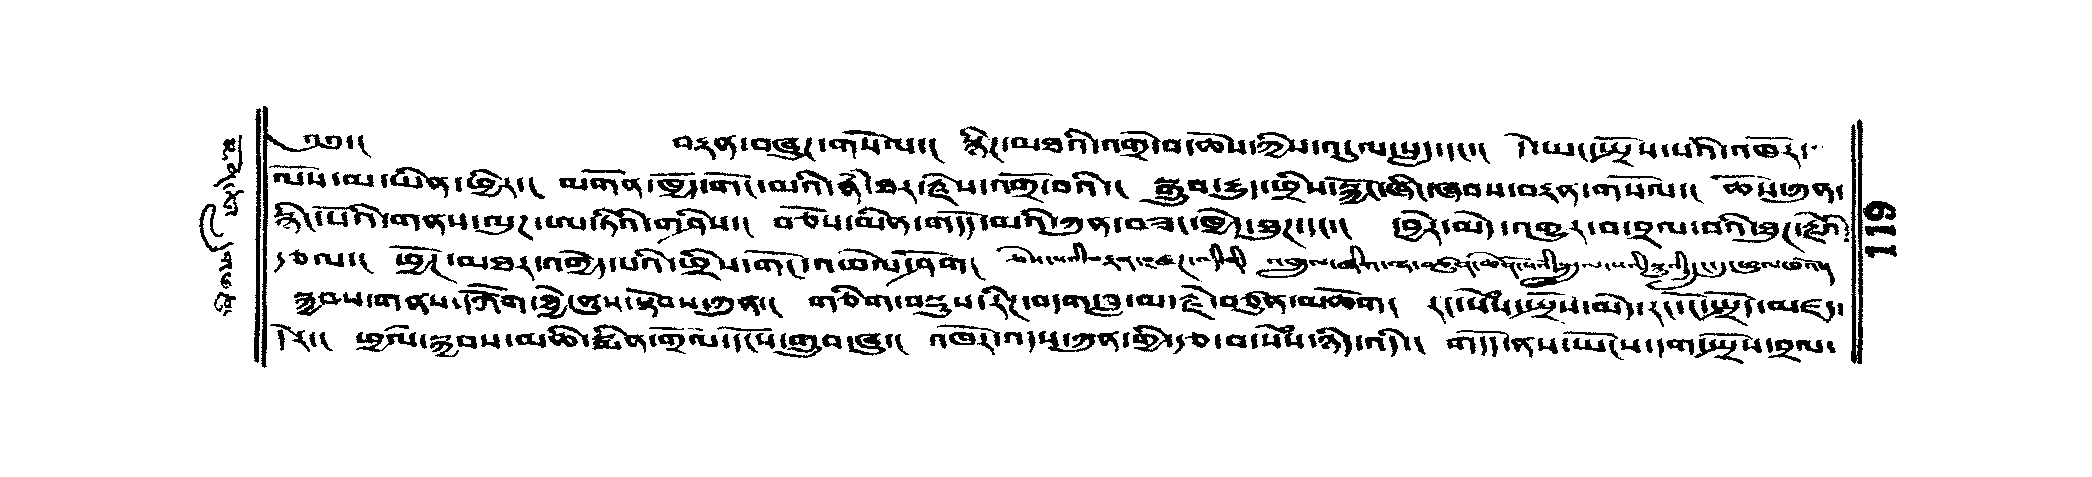བརྟན་བཞུགས་གསོལ། སྙིགས་མཐའི་འགྲོ་བ་ཆོས་ཀྱི་གདུལ་སླད་དང་། །དེ་ཡང་སྤྲོས་པའི་འཁོར་
ལོས་མ་ཡིན་ཕྱིར། །མགོན་ཁྱོད་གོང་མའི་རྣམ་ཐར་རྗེས་འགྲོ་བའི། །སྒྲུབ་རྒྱུད་ཕྲིན་ལས་སྐྱོང་ཞིང་ཞབས་བརྟན་གསོལ། །ཆོས་ཀུན་
སྙིང་པོའི་གནས་ལུགས་ཨ་ཏིའི་གཤིས། །བཅོས་མིན་གདོད་མའི་ཀུན་བཟང་ཁྱེད་ཐུགས་དང་། །དབྱེར་མེད་འགྱུར་བ་བྲལ་བའི་ཐུགས་རྗེའི་
རྩལ། །ཕྱོགས་མཐར་འགྱེད་པའི་ཕྲིན་ལས་གོང་འཕེལ་ཤོགཅེས་པའི་བརྟན་བཞུགས་འདི་ནི། འཁྲུལ་ཞིག་ལྷ་བཙུན་ཆེན་པོའི་སྤྲུལ་པའི་སྐུའི་དྲུང་ཕུལ་བའོ།། 
སྐྱབས་གནས་དཀོན་མཆོག་ཐུགས་རྗེ་ནུས་སྟོབས་ཀུན། །གཅིག་བསྡུས་རིགས་བདག་བླ་མ་རྗེ་བཙུན་མཆོག །རང་སེམས་སྤྲོས་མེད་རང་ངོ་སྤྲོད་མཛད་
དེར། །ཕྱག་འཚལ་སྐྱབས་མཆི་སྨིན་གྲོལ་དངོས་གྲུབ་ཞུ། །འཁོར་འདས་ཀུན་གྱི་རྩ་བ་སེམས་ཉིད་འདི། །གདོད་ནས་ཡོངས་དག་སྤྲོས་བྲལ་